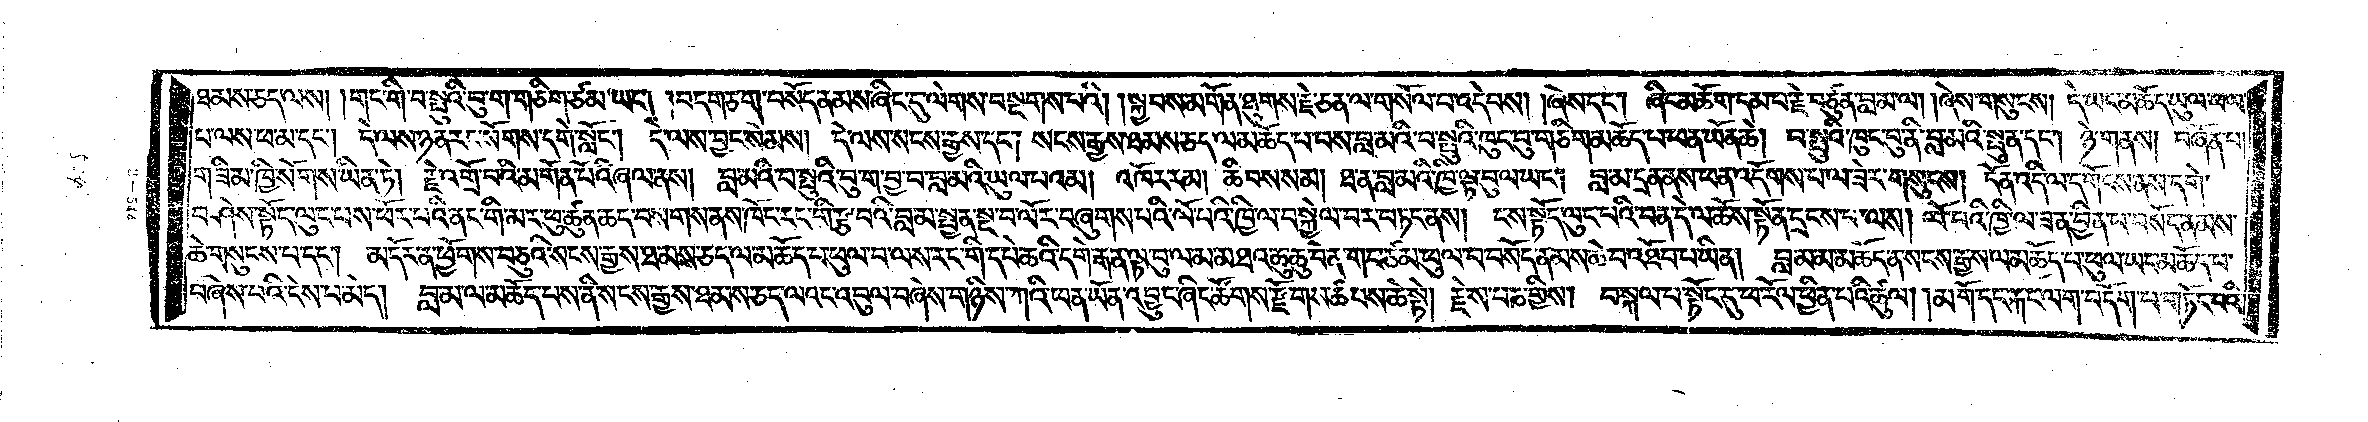ཐམས་ཅད་ལས། །གང་གི་བ་སྤུའི་བུ་ག་གཅིག་ཙམ་ཡང་། །བདག་ཅག་བསོད་ནམས་ཞིང་དུ་ལེགས་བསྔགས་པའི། །སྐྱབས་མགོན་ཐུགས་རྗེ་ཅན་ལ་གསོལ་བ་འདེབས། །ཞེས་དང་། ཞིང་མཆོག་དམ་པ་རྗེ་བཙུན་བླ་མ་ལ། །ཞེས་གསུངས། དེ་ཡང་མཆོད་ཡུལ་ཕལ་
པ་ལས་ཕ་མ་དང་། དེ་ལས་ཉན་རང་སོགས་དགེ་སློང་། དེ་ལས་བྱང་སེམས། དེ་ལས་སངས་རྒྱས་དང་། སངས་རྒྱས་ཐམས་ཅད་ལ་མཆོད་པ་བས་བླ་མའི་བ་སྤུའི་ཕུང་བུ་གཅིག་མཆོད་པ་ཕན་ཡོན་ཆེ། བ་སྤུའི་ཁུང་བུ་ནི་བླ་མའི་སྤུན་དང་། ཉེ་གནས། བཞོན་པ་
གཟིམ་ཁྱི་སོགས་ཡིན་ཏེ། རྗེ་འགྲོ་བའི་མགོན་པོའི་ཞལ་ནས། བླ་མའི་པ་སྤུའི་བུ་ག་བྱ་བ་བླ་མའི་ཡུལ་པའམ། འཁོར་རམ། ཆིབས་སམ། ཐ་ན་བླ་མའི་ཁྱི་ལྟ་བུ་ལ་ཡང༑ བླ་མ་དྲན་ནས་ཕན་འདོགས་པ་ལ་ཟེར་གསུངས། དོན་འདི་ལ་དགོངས་ནས་དགེ་
བཤེས་སྟོད་ལུང་པས་ཕོར་པའི་ནང་གི་མར་ཕུ་ཚུན་ཆད་བསགས་ནས་ཁོང་རང་གི་རྩ་བའི་བླ་མ་སྤྱན་སྔ་བ་ལོར་བཞུགས་པའི་ལོ་པའི་ཁྱི་ལ་བསྐྱེལ་བར་བཏང་ནས། ངས་སྟོད་ལུང་པའི་བན་དེ་ལ་ཆོས་སྟོན་དྲངས་པ་ལས། ཡོ་པའི་ཁྱི་ལ་ཟན་བྱིན་པ་བསོད་ནམས་
ཆེ་གསུངས་པ་དང་། མདོར་ན་ཕྱོགས་བཅུའི་སངས་རྒྱས་ཐམས་ཅད་ལ་མཆོད་པ་ཕུལ་བ་ལས་རང་གི་དཔེ་ཆའི་དགེ་རྒན་ལྟ་བུ་ལམ་མཐའ་ཆུ་ཆུ་བེན་གང་ཙམ་ཕུལ་བ་བསོད་ནམས་ཆེ་བ་འཐོབ་པ་ཡིན། བླ་མ་མ་མཆོད་ན་སངས་རྒྱས་ལ་མཆོད་པ་ཕུལ་ཡང་མཆོད་པ་
བཞེས་པའི་ངེས་པ་མེད། བླ་མ་ལ་མཆོད་པས་ནི་སངས་རྒྱས་ཐམས་ཅད་ལའང་འབུལ་བཞེས་གཉིས་ཀའི་ཕན་ཡོན་འབྱུང་ཞིང་ཚོགས་རྫོགས་ཚབས་ཆེ་སྟེ། རྗེས་པཎ་གྱིས། བསྐལ་པ་སྟོང་དུ་ཕ་རོལ་ཕྱིན་པའི་ཚུལ། །མགོ་དང་རྐང་ལག་བདོག་པ་གཏོང་བའི་